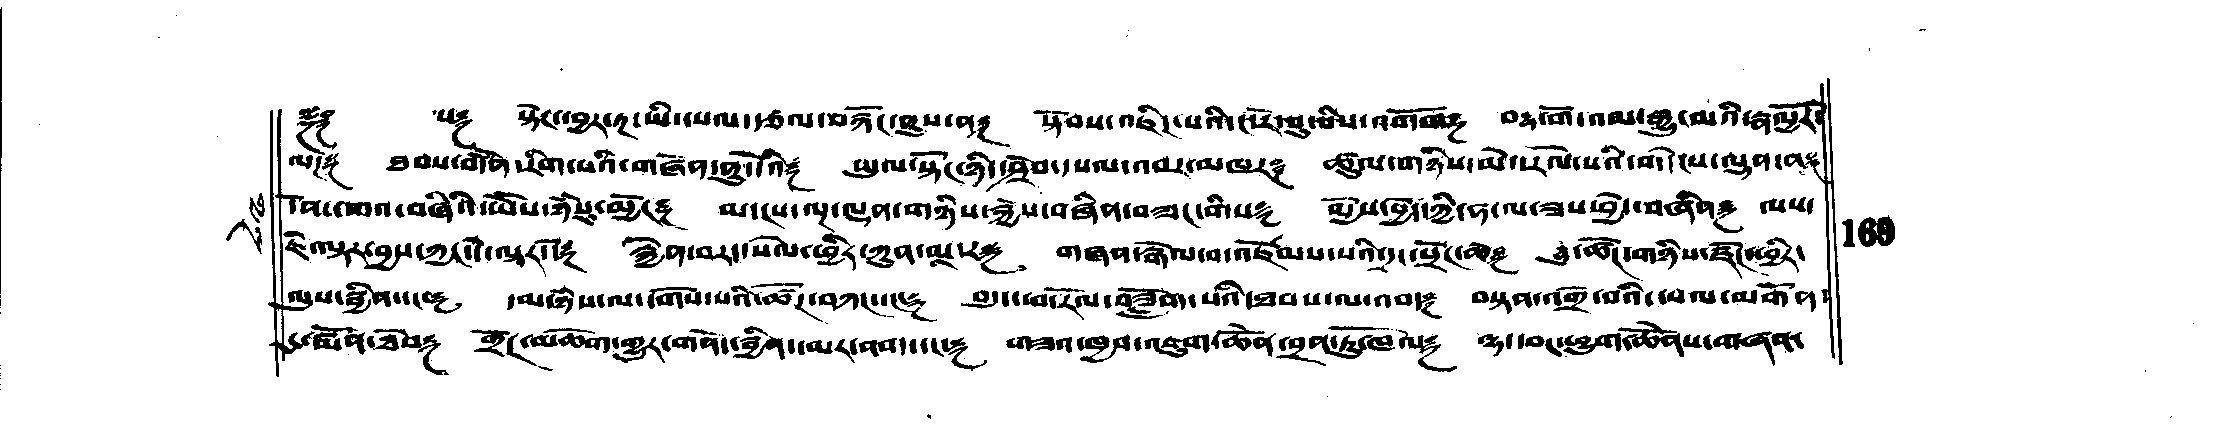པ། །སྟེང་དབྱར་རྔ་ཡི་དཔལ་༼དཔའ?༽རྩལ་བསྐོང་༼བཀོད?༽ནུས་ན། །སྟོབས་འཇིགས་པའི་ང་རོ་སུ་ཡིས་འགོག །བརྡ་གོ་འམ་སྒྱུ་མའི་རྣལ་འབྱོར་
ལགས། །ཐབས་བདེ་ཆེན་རིག་པའི་གཞོན་ནུ་དེའི། །ཡུལ་སྟོང་ཉིད་ཤེས་རབ་དཔལ་འབར་མཁར། །ཚུལ་གཉིས་མེད་རོལ་པའི་གདེངས་ལྡན་ན། །
དོན་དགའ་བཞིའི་ཡེ་ཤེས་ཉམས་སུ་མྱོང་། །མདངས་ལྔ་ལྡན་གཉིས་སྐྱེས་བཞིན་བཟང་གིས། །མྱོས་བྱེད་ཀྱི་ཧ་ལ་ཟས་ཕྱེད་བཞིན། །ལས་
ཇི་ལྟར་བྱས་ཀྱང་དེ་ལྟར་དོ༼རོ?༽། །རྐྱེན་བར་ཆད་སེལ་ཕྱིར་ཀུ་མཱ་ར། །གཞན་རྒོལ་བ་འཇོམས་པའི་དྲང་སྲོང་ཚོ༼ཆེ?༽། །རྒྱུ་ཚོགས་གཉིས་རྫོགས་ཕྱིར་
ལུས་སྦྱིན་དང་། །དམ་ཉམས་ལ་དོགས་པའི་ཚོགས་བཀང་དང་། །བདུད་ཕ་རོལ་བཟློག་པའི་ཐབས་ལ་འབད། །བསྟན་འགྲོ་བའི་དཔལ་མགོན་
དུ་སྨོན་ཐོབས། །གྲོགས་མཆོག་གྱུར་གནོད་སྦྱིན་དམར་ནག་དང་། །གཟའ་ཁྱབ་འཇུག་ཆེན་པོ་བྲན་དུ་ཁོལ། །ལྷ་དབང་ཕྱུག་ཆེན་པོས་གཞན་